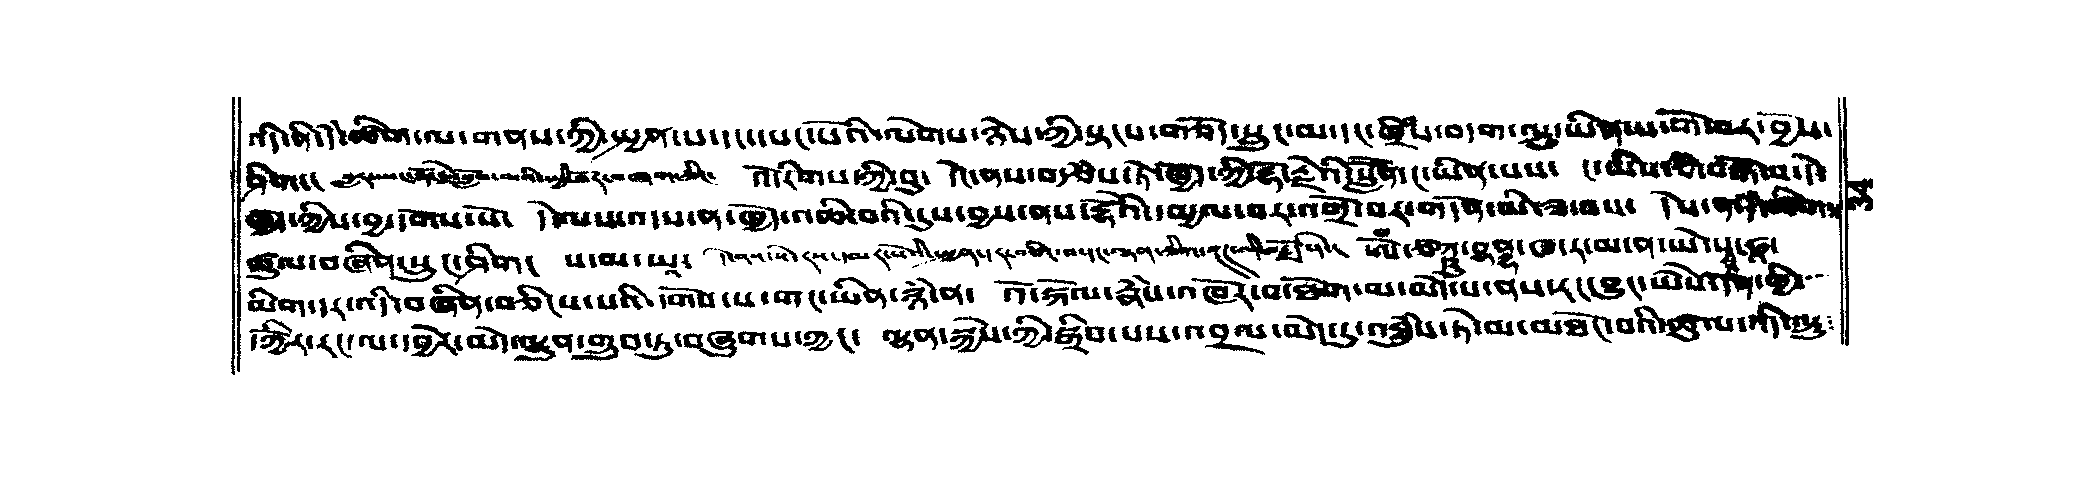འདི་་དམ་ཚིག་ལ་གནས་ཀྱི་སྤྱན་པ་དང་དབང་པོའི་ལེགས་གཉིས་ཀྱི་སྟངས་གཅོད་སྲུང་མ་དང་ཁྲིམས་བདག་ལྟ་བུ་ཡིན་པ་གོ་བར་བྱོས་
ཤིག སླར་ཡང་རྡོ་རྗེ་སློབ་མའི་སྤྱི་བོར་བཞག་ཅིང་། འོ་རིགས་ཀྱི་བུ། དེང་ནས་བརྩམས་ཏེ་ཁྱོད་ཀྱི་རྡོ་རྗེའི་སློབ་དཔོན་ང་ཡིན་པས། ང་ཡི་ཅི་བསྒོམ་དེ་
ཁྱོད་ཀྱིས་བྱ་དགོས་སོ། དེ་ལས་འདས་ན་ཁྱོད་འཆི་བའི་དུས་བྱས་ནས་རྡོ་རྗེའི་དམྱལ་བར་འགྲོ་བར་གདོན་མི་ཟ་བས། དེས་ན་དམ་ཚིག་
ཚུལ་བཞིན་སྲུང་ཤིག ས་མ་ཡཱ། དེ་ནས་སེ་རས་དམར་པོའི་སྤྱན་དར་བཅིང་བ་དང་ལྷན་གཅིག་སྔགས་འདི་བརྗོད་དེ། ཨོཾ་ཙཀྵུ་བྷནྡྷ་ཝ་ར་མ་ན་ཡེ་སྭཱ་ཧཱ། 
མིག་དར་འདི་བཞིན་བཅིངས་པའི་དགོས་པ་གང་ཡིན་སྙམ་ན། འོ་སྐོལ་རྣམས་འཁོར་བ་ཐོག་མ་མེད་པ་ནས་རང་བྱུང་ཡེ་ཤེས་དོན་གྱི་
དཀྱིལ་འཁོར་རང་ལ་དབྱེར་མེད་ལྷུན་གྲུབ་ཏུ་བཞུགས་ཀྱང་། ལྷན་སྐྱེས་ཀྱི་སྒྲིབ་པས་འབྲལ་མེད་དུ་འཐུམས་ཏེ་མ་མཐོང་བའི་ཚུལ་འདི་ལྟ་བུ་